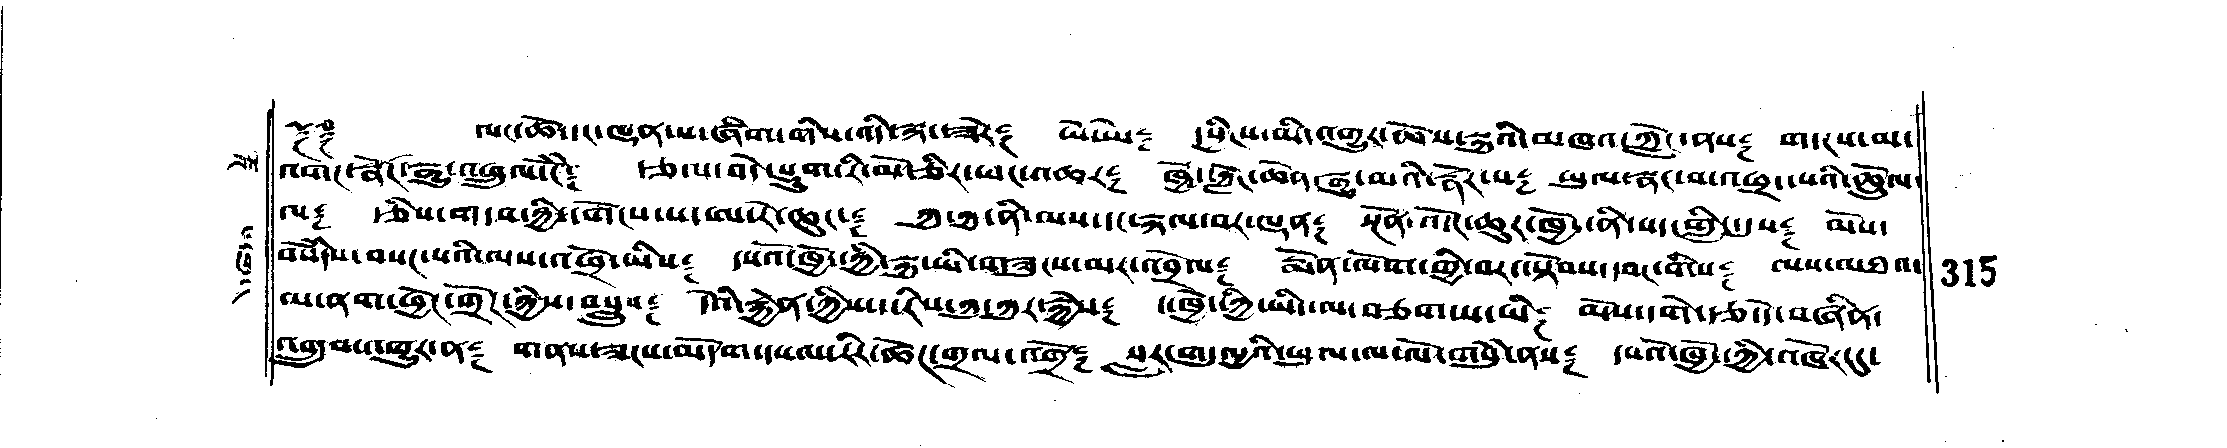ལང་ཚོ་དང་ལྡན་པ་ཞིག་གིས་འདི་སྐད་ཟེར། ཡེ་ཡེཿ དབྱིངས་མི་འགྱུར་ཆོས་སྐུའི་མཁའ་ཀློང་ནས། །གདངས་མ་
འགགས་སྣ་ཚོགས་སྒྱུ་འཕྲུལ་ངོམ། །རྩལ་བདེ་སྡུག་རི་མོ་ཅིར་ཡང་འཆར། ཁྱེད་ཀློང་ཆེན་སྒྱུ་མའི་རྣལ་འབྱོར་པ། །ཡུལ་སྣང་བ་འཕྲད་པའི་ཆོ་འཕྲུལ་
ལ། །རྩིས་གདབ་ཀྱི་དགོངས་པ་ཨ་རེ་ཆུང་། །ཀུ་ཀུ་ནི་ལས་དང་སྐལ་བར་ལྡན། །སྔོན་འདོགས་ཆུར་ཁྱོད་ནི་པད་གླིང་དུས། །མོས་
བསོད་ནམས་བསགས་པའི་ལས་འཕྲོ་ཡིས། །དཔའ་བོ་ཁྱོད་ཀྱི་སྐུ་ཡི་གཟུངས་མར་འབྲེལ། །སྨོན་ལོག་གི་བར་ཆད་སྟོབས་དབང་གིས། །ལས་མཐའ་
མ་ནག་ཕྱོགས་གྲོགས་ཀྱིས་བསླུས། །དེའི་རྐྱེན་ཀྱིས་ད་རིས་ཀུ་ཀུར་སྐྱེས། །ད་ཁྱོད་ཀྱི་ཡིད་ལ་བཅག་པ་ཡི། །མོས་དགེ་རྩ་དེ་བཞིན་
འགྲུབ་འགྱུར་ན། །གནས་ཟངས་མདོག་དཔལ་རིར་ཚོགས་གྲལ་འགྲོ། །སླར་གདུལ་བྱའི་ཡུལ་ལ་ལོ་གསུམ་ནས། །དཔའ་བོ་ཁྱོད་ཀྱི་འཁོར་དུ་